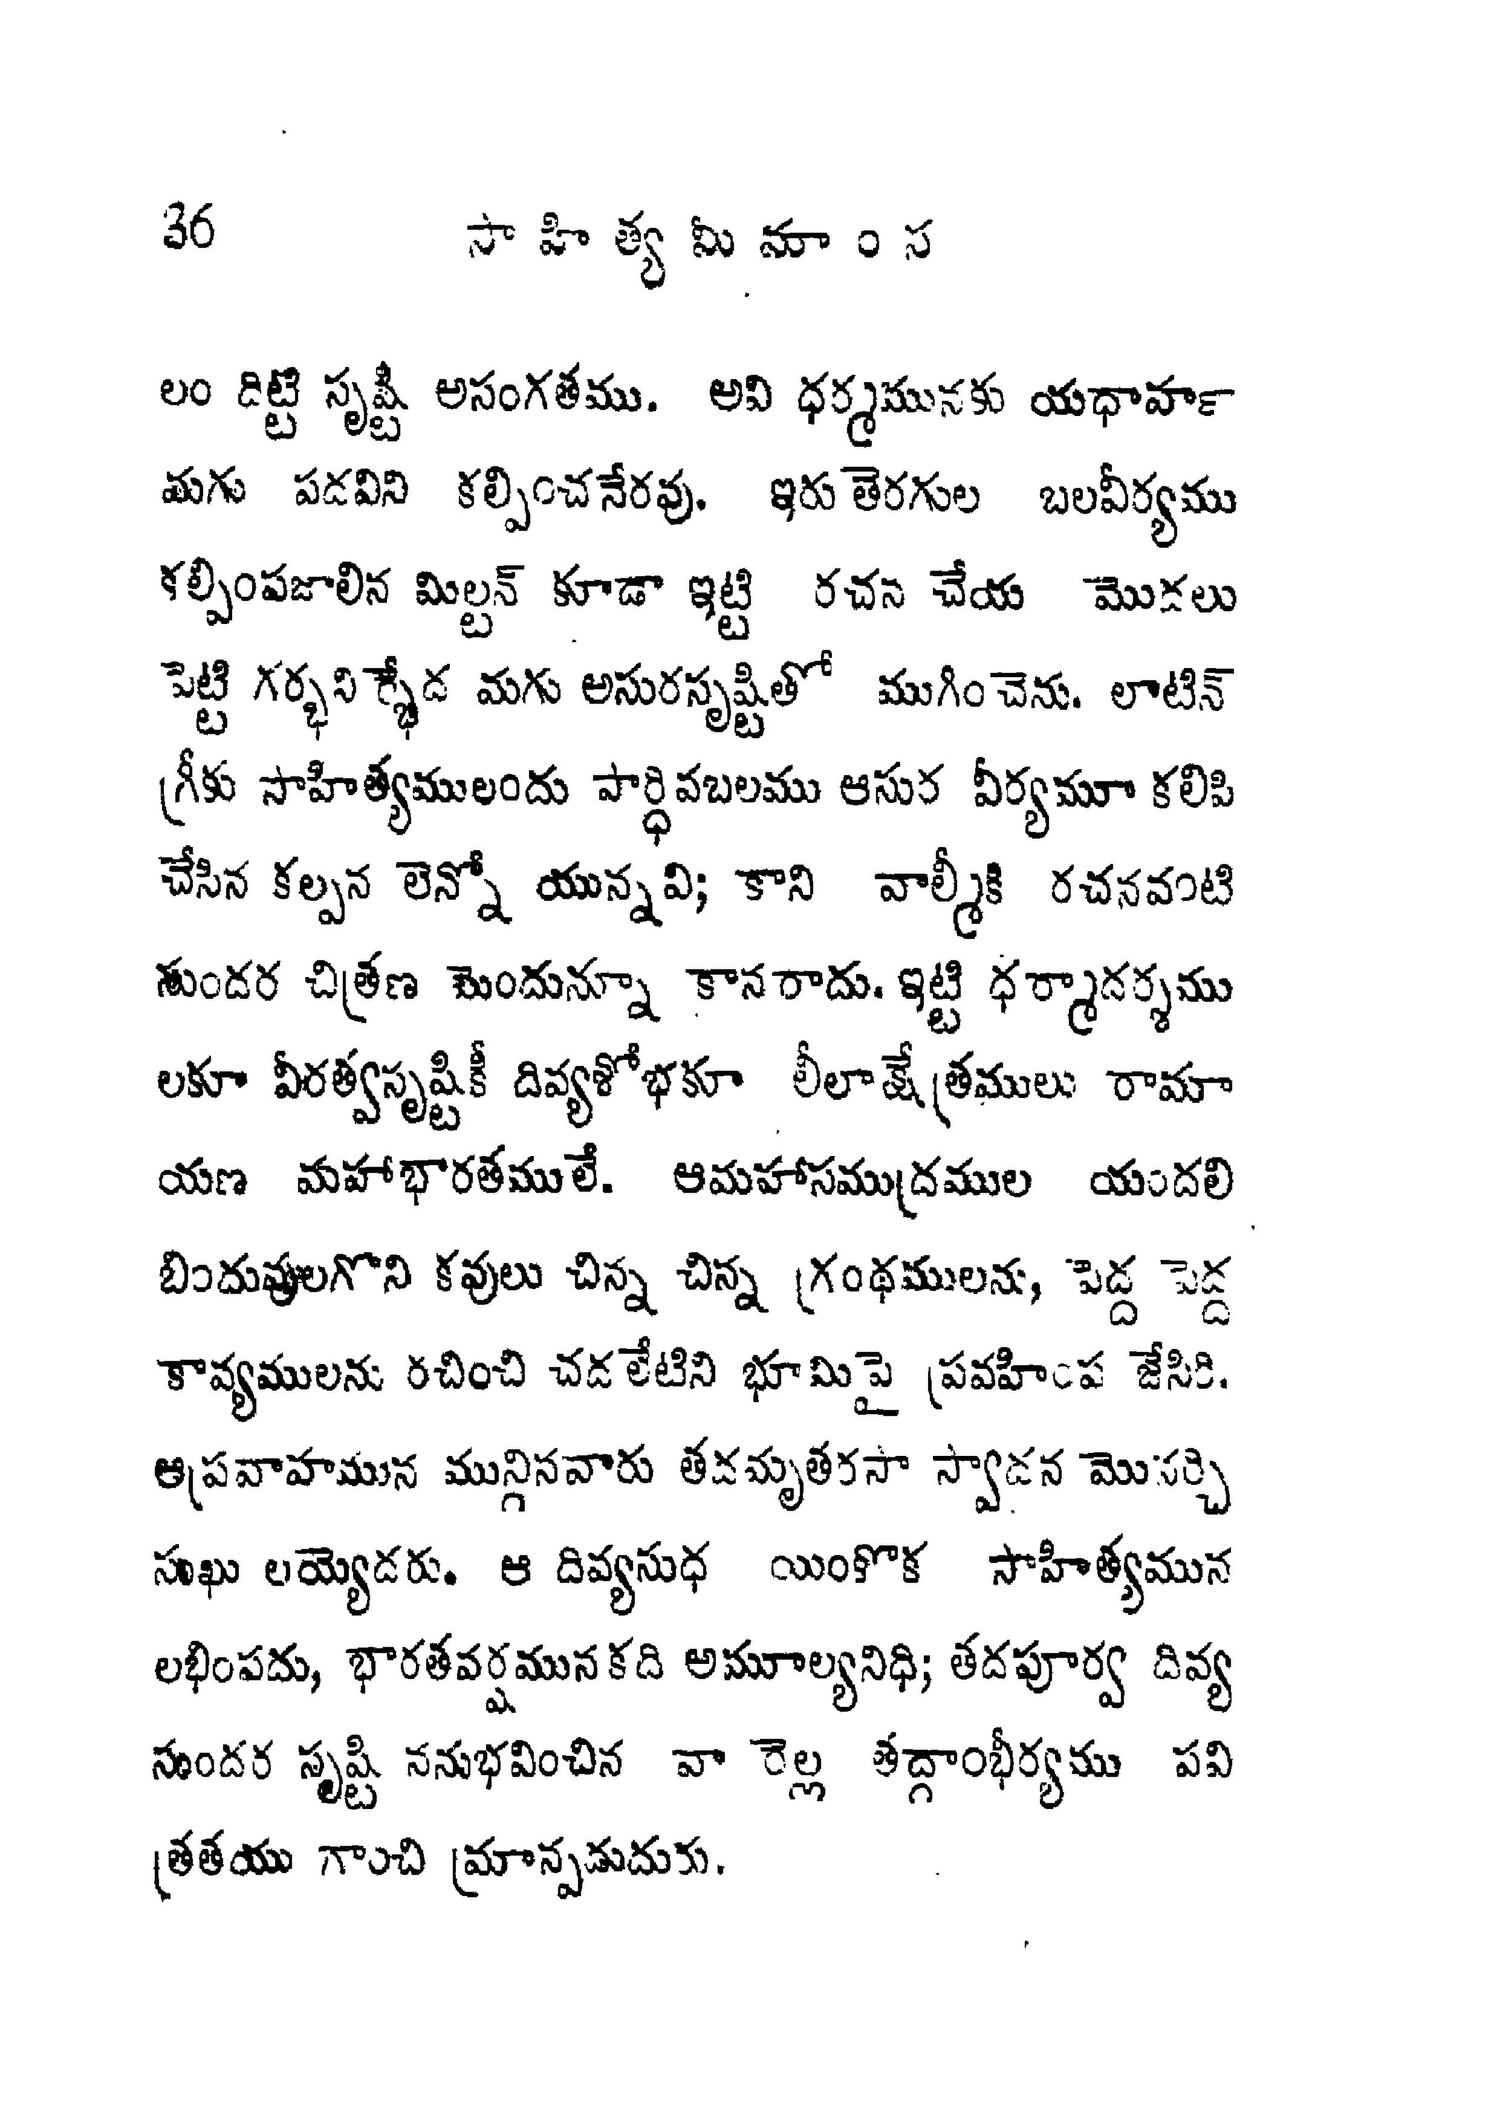లం దిట్టి సృష్టి అసంగతము. అవి ధర్మమునకు యధాహన్ మగు పదవిని కల్పించనేరవు. ఇరుతెరగుల బలవీర్యము కల్పింపజాలిన మిల్టన్ కూడా ఇట్టి రచన చేయ మొదలుపెట్టి గర్భనిర్భేద మగు అసురసృష్టితో ముగించెను. లాటిన్ గ్రీకు సాహిత్యములందు పార్ధివబలము ఆసుర వీర్యమూ కలిపి చేసిన కల్పన లెన్నో యున్నవి; కాని వాల్మీకి రచనవంటి సుందర చిత్రణ మెందున్నూ కానరాదు. ఇట్టి ధర్మాదర్శములకూ వీరత్వసృష్టికి దివ్యశోభకూ లీలాక్షేత్రములు రామాయణ మహాభారతములే. ఆమహాసముద్రముల యందలి బిందువులగొని కవులు చిన్న చిన్న గ్రంథములకు, పెద్ద పెద్ద కావ్యములను రచించి చదలేటిని భూమిపై ప్రవహింప జేసిరి. ఆప్రవాహమున మున్గినవారు తదమృతరసా స్వాదన మొనర్చి సుఖు లయ్యెదరు. ఆ దివ్యసుధ యింకొక సాహిత్యమున లభింపదు, భారతవర్షమునకది అమూల్యనిధి; తదపూర్వ దివ్యసుందర సృష్టి ననుభవించిన వా రెల్ల తద్గాంభీర్యము పవిత్రతయు గాంచి మ్రాన్పడుదురు.